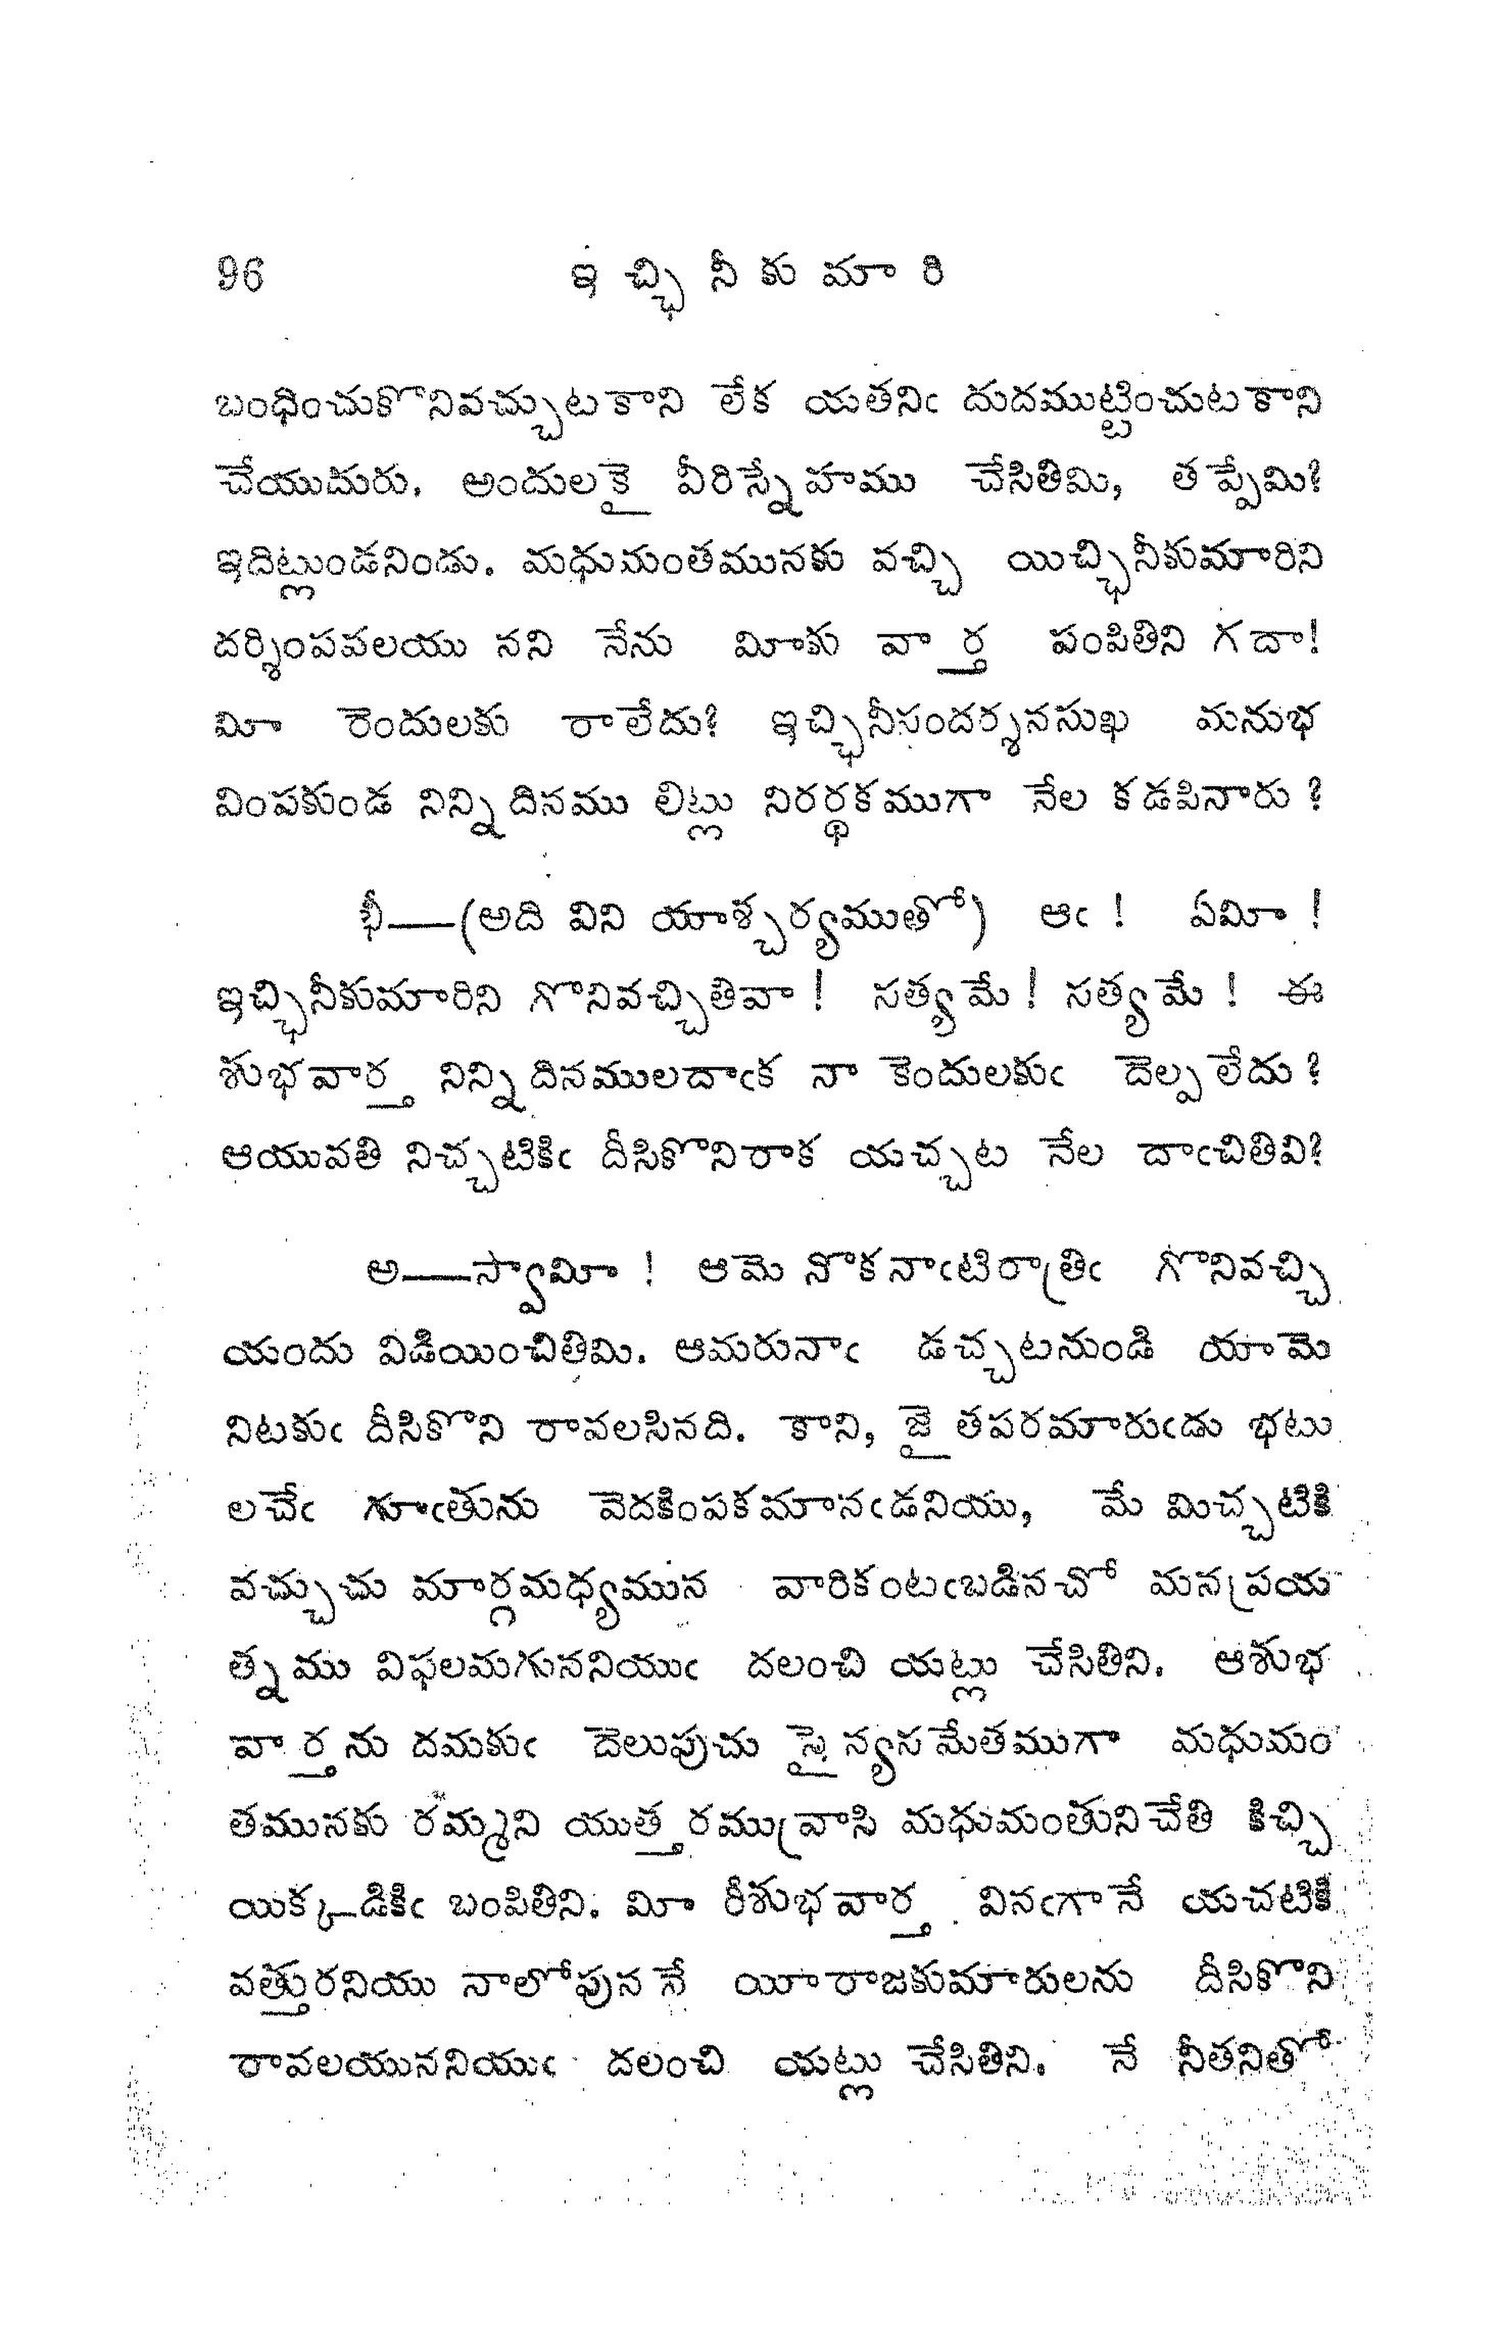బంధించు కొనివచ్చుట కాని లేక యతనిఁ దుదముట్టించుట కాని చేయుదురు. అందులకై వీరి స్నేహము చేసితిమి, తప్పేమి? ఇదిట్లుండ నిండు. మధుమంతమునకు వచ్చి యిచ్ఛినీకుమారిని దర్శింపవలయు నని నేను మీకు వార్త పంపితిని గదా! మీ రెందులకు రాలేదు? ఇచ్చిన సందర్శనసుఖ మనుభ వింపకుండ నిన్ని దినము లిట్లు నిరర్థకముగా నేల కడపినారు ?

భీ: - (అది విని యాశ్చర్యముతో) ఆr ! ఏమీ! ఇచ్ఛినీకుమారిని గొనివచ్చితివా ! సత్య మే ! సత్య మే ! ఈ శుభవార్త నిన్ని దినములదాఁక నా కెందులకుఁ దెల్ప లేదు ! ఆయువతి నిచ్చటికిఁ దీసికొని రాక యచ్చట నేల దాఁచితివి?

అ: -స్వామీ ! ఆమె నొక నాఁటి రాత్రిం గొనివచ్చి యందు విడియించితిమి. ఆమరునాఁ డచ్చటనుండి యామె నిటకుఁ దీసికొని రావలసినది. కాని, జై తపరమారుఁడు భటు లచేఁ గూతును వెదకింపక మానఁడనియు, మే మిచ్చటికి వచ్చుచు మార్గమధ్యమున - వారి కంటఁబడినచో మన ప్రయ" త్నము విఫలమగు ననియుఁ దలంచి యట్లు చేసితిని. ఆశుభ వార్తను దమకుఁ దెలుపుచు సైన్యస మేతముగా మధుమం' ' తమునకు రమ్మని యుత్తరము వ్రాసి మధుమంతుని చేతి కిచ్చి యిక్కడికిఁ బంపితిని. మీ రీశుభ వార్త వినఁగా నే యచటికీ, వత్తురనియు నాలోపున నే యీ రాజకుమారులను దీసికొని రావలయుననియుఁ - దలంచి యటు చేసితిని. నే నీతనితో